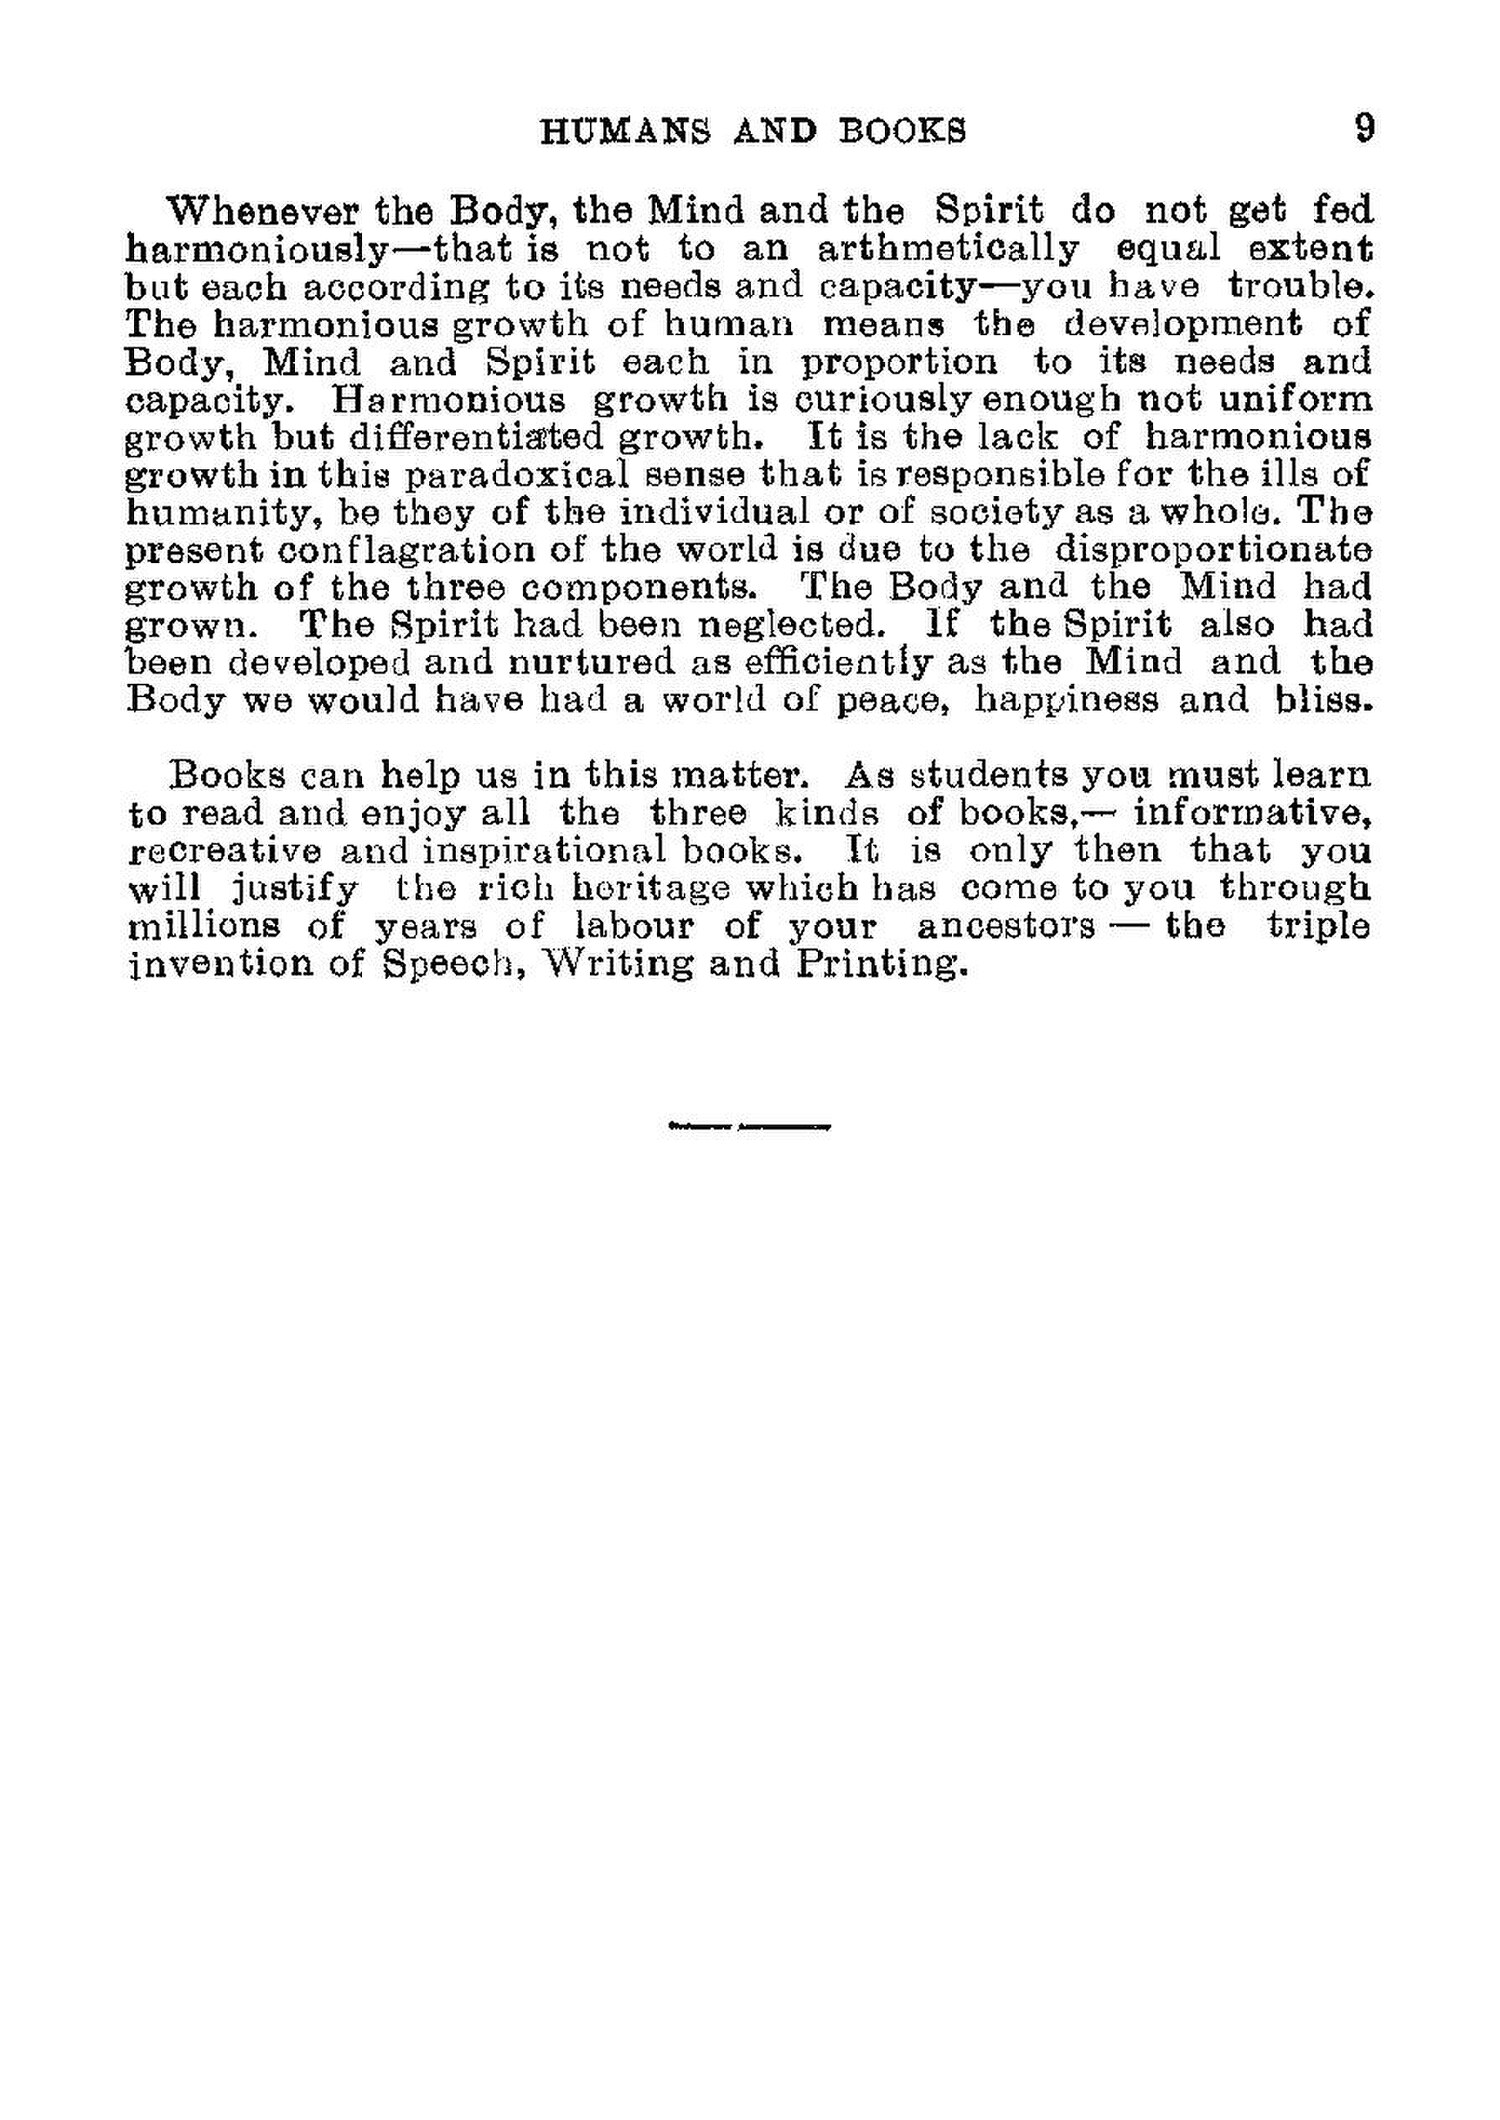Whenever the Body, the Mind and the Spirit do not get fed harmoniously - that is not to an arithmetically 
equal extent but each according to its needs and capacity - you have trouble. The harmonious growth of human 
means the development of Body, Mind and Spirit each in proportion to its needs and capacity. Harmonious 
growth is curiously enough not uniform growth but differentiated growth. It is the lack of harmonious
growth in this paradoxical sense that is responsible for the ills of humanity, be they of the individual or 
of society as a whole. The present conflagration of the world is due to the disproportionate growth of the 
three components. The Body and the Mind had grown. The Spirit had been neglected. If the Spirit also had
been developed and nurtured as efficiently as the Mind and the Body we would have had a world of peace, 
happiness and bliss.

Books can help us in this matter. As students you must learn to read and enjoy all the three kinds of books, informative, recreative and inspirational books. It is only then that you will justify the rich heritage 
which has come to you through millions of years of labor of your ancestors - ancestors the triple 
invention of Speech, Writing and Printing.